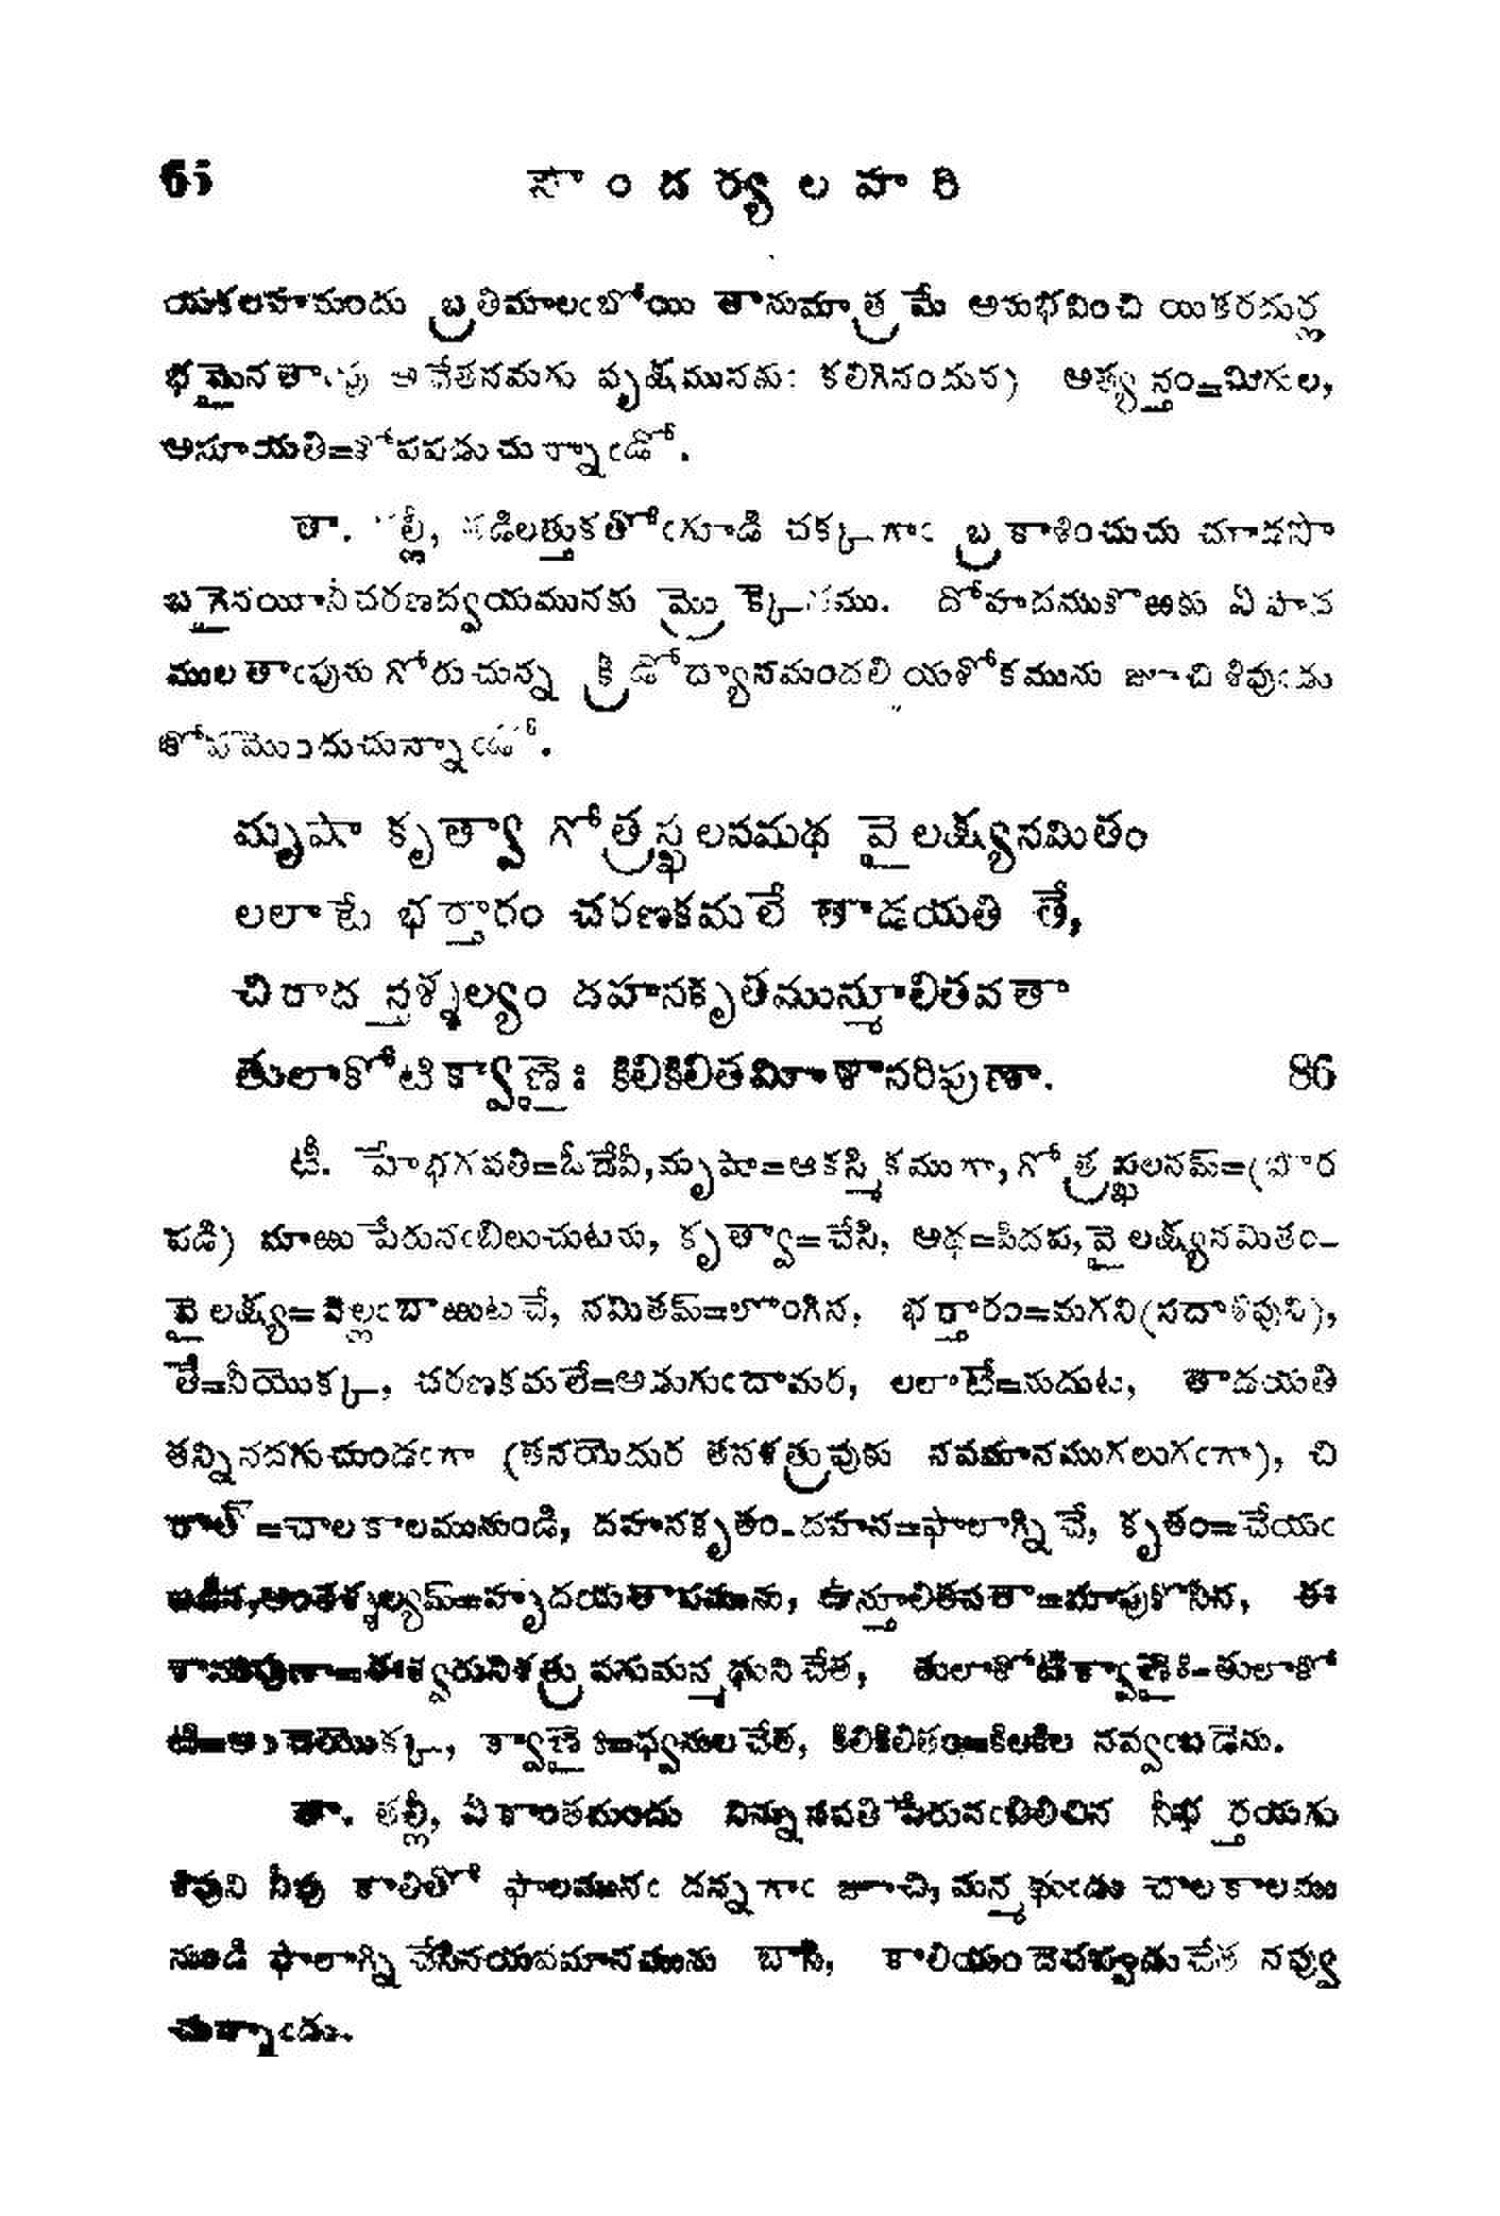యకలహమందు బ్రతిమాలఁబోయి తానుమాత్రమే అనుభవించి యితరదుర్లభమైనతాఁపు అచేతనమగు వృక్షమునకు కలిగినందున) అత్యన్తం = మిగుల, అసూయతి = కోపపడుచున్నాఁడో.

తా. తల్లీ, తడిలత్తుకతోఁగూడి చక్కగాఁ బ్రకాశించుచు చూడసొబగైనయీనీచరణ ద్వయమునకు మ్రొక్కెదము. దోహదముకొఱకు ఏ పాదములతాఁపును గోరుచున్న క్రీడోద్యానమందలి యశోకమును జూచి శివుఁడు కోపమొందుచున్నాఁడో.

మృషా కృత్వా గోత్రస్ఖలనమథ వైలక్ష్యనమితం
లలాటే భర్తారం చరణకమలే తాడయతి తే,
చిరాదన్తశ్శల్యం దహనకృతమున్మూలితవతా
తులాకోటిక్వాణైః కిలికిలితమీశానరిపుణా. 86
టీ. హేభగవతి = ఓదేవీ, మృషా = ఆకస్మికముగా, గోత్రస్ఖలనమ్ = (పొరపడి) మాఱు పేరునఁబిలుచుటను, కృత్వా = చేసి, అధ = పిదప, వైలక్ష్యనమితం-వైలక్ష్య = వెల్లఁబాఱుటచే, నమితమ్ = లొంగిన, భర్తారం = మగని(సదాశివుని), తే = నీయొక్క, చరణకమలే = అడుగుఁదామర, లలాటే = నుదుట, తాడయతి = తన్నినదగుచుండఁగా (తనయెదుర తనశత్రువుకు నవమానముగలుగఁగా), చిరాత్ = చాలకాలమునుండి, దహనకృతం-దహన = ఫాలాగ్నిచే, కృతం = చేయఁబడిన, అంతశ్శల్యమ్ = హృదయతాపమును, ఉన్మూలితవతా = మాపుకొనిన, ఈశానరిపుణా = ఈశ్వరునిశత్రువగుమన్మథునిచేత, తులాకోటిక్వాణైః-తులాకోటి = అంచెయొక్క, క్వాణైః = ధ్వనులచేత, కిలికిలితం = కిలకిల నవ్వఁబడెను.

తా. తల్లీ, ఏకాంతమందు నిన్నుసవతి పేరునఁబిలిచిన నీభర్తయగు శివుని నీవు కాలితో ఫాలమునఁ దన్నగాఁ జూచి, మన్మథుఁడు చాలకాలము నుండి ఫాలాగ్ని చేసినయవమానమును బాసి, కాలియందెచప్పుడుచేత నవ్వు